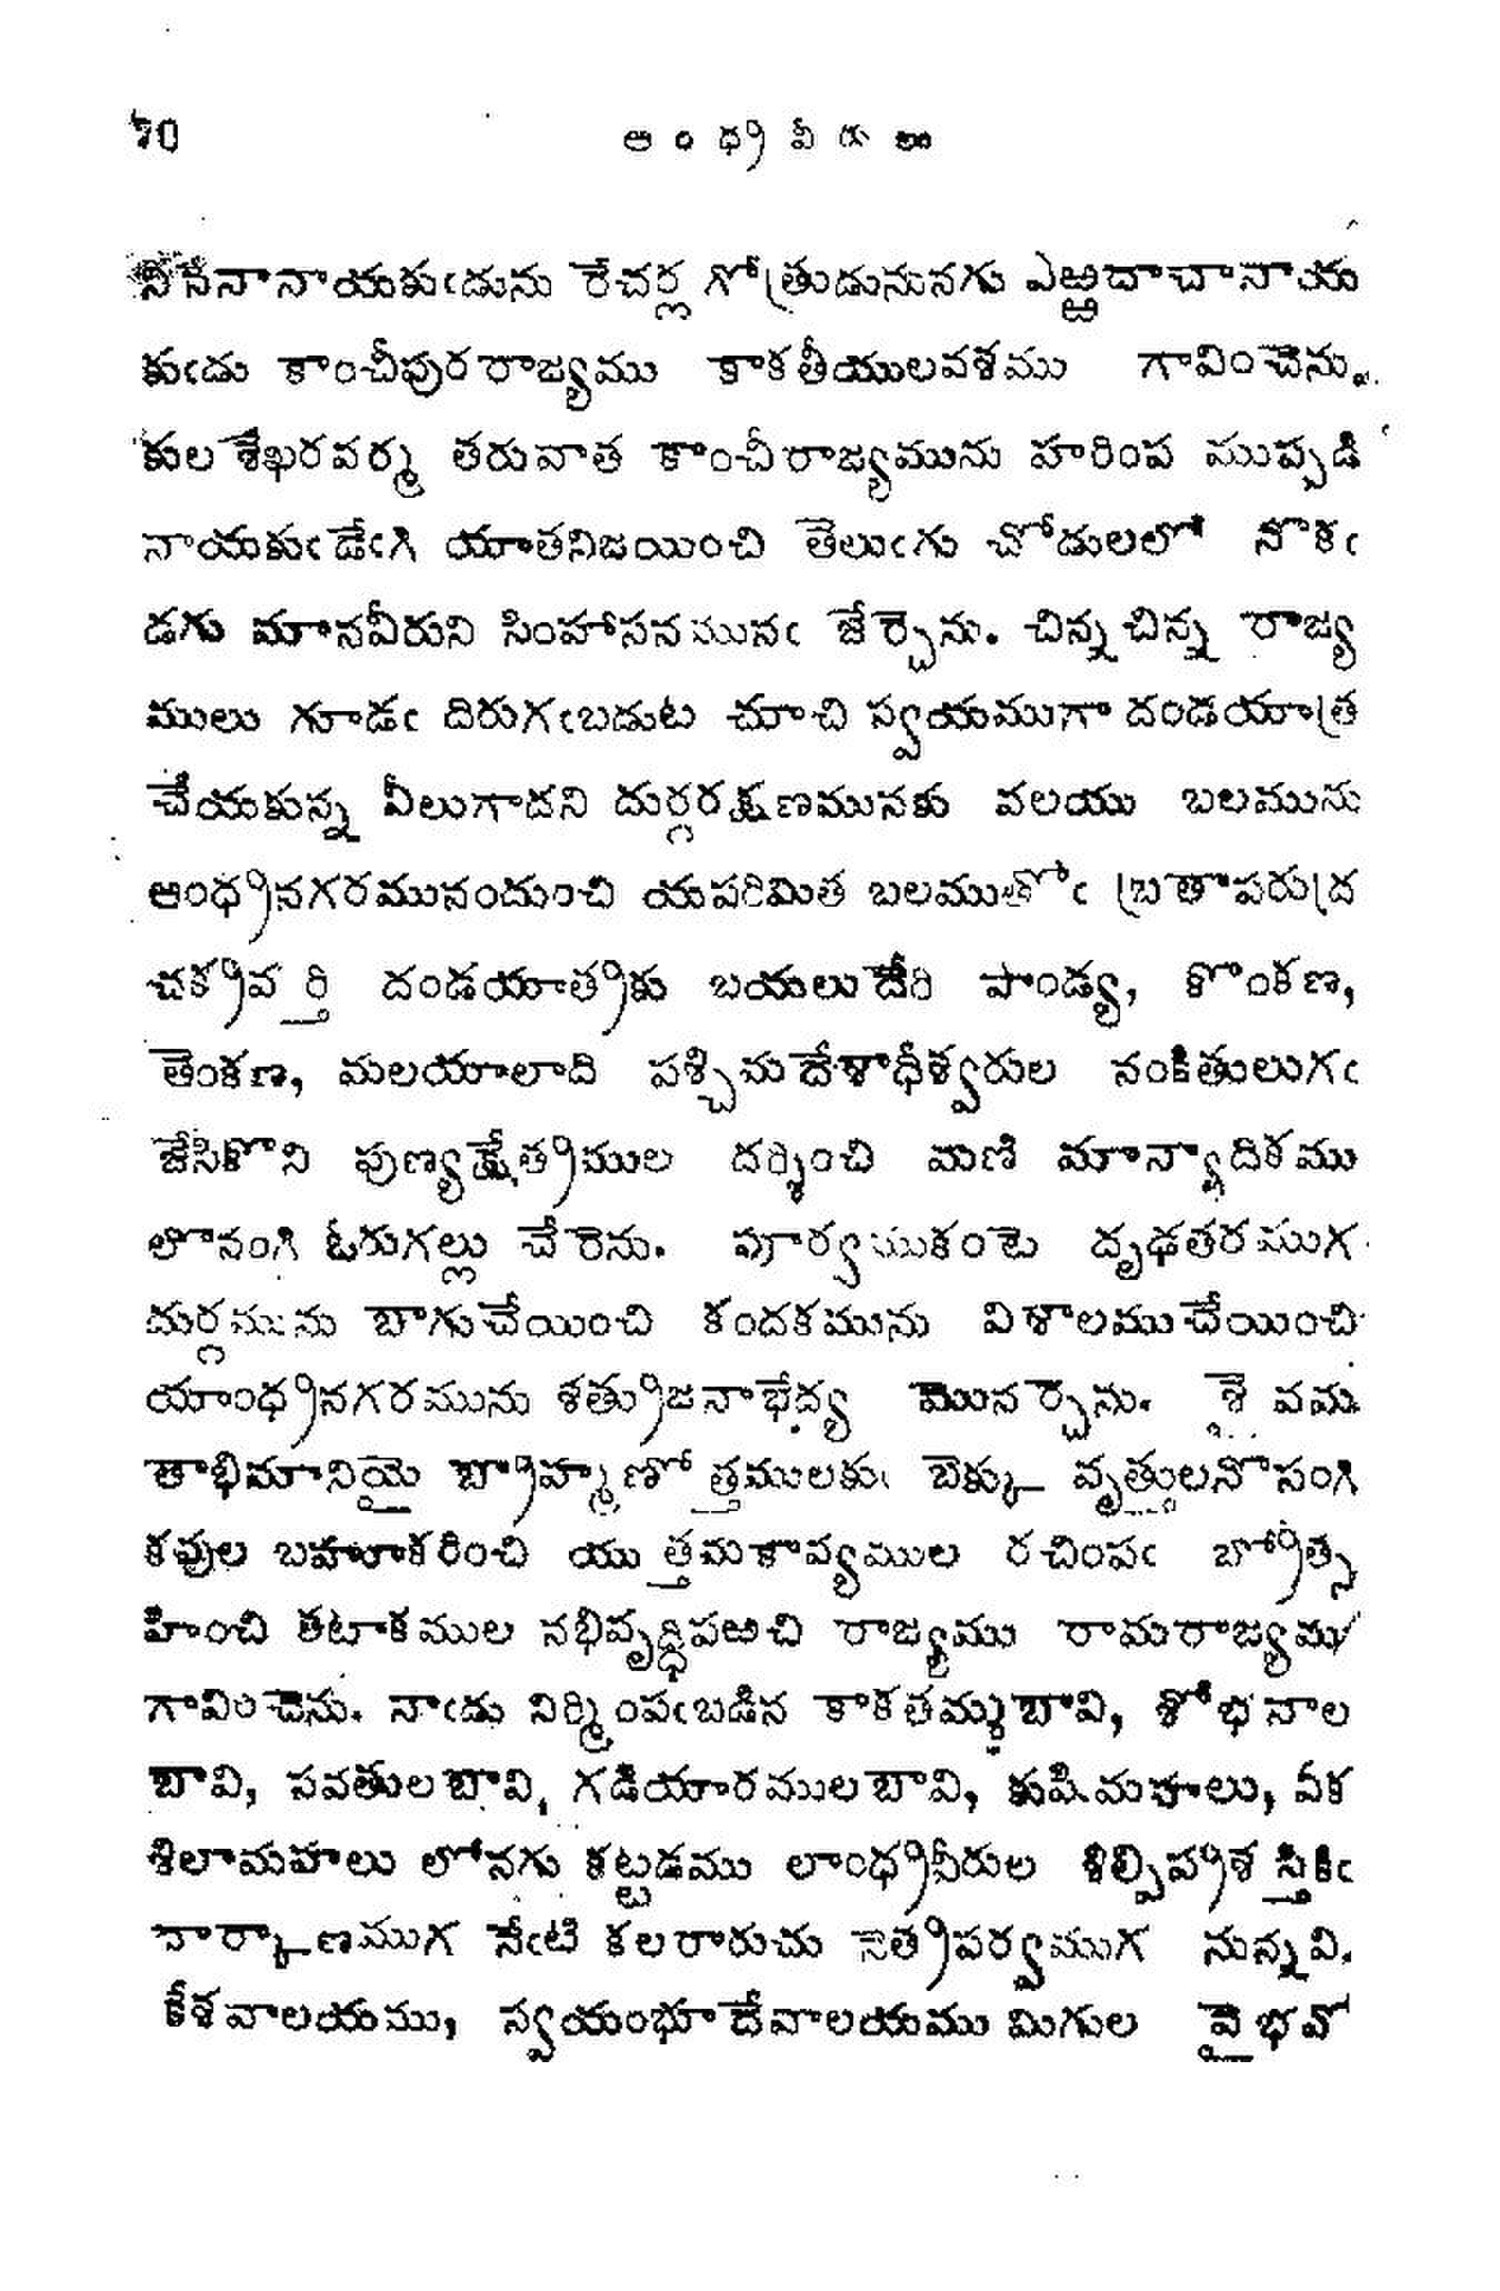ని సేనానాయకుడును రేచర్ల గోత్రుడునునగు ఎఱ్ఱదాచానాయకుడు కాంచీపురరాజ్యము కాకతీయులవశము గావించెను. కులశేఖరవర్మ తరువాత కాంచీరాజ్యమును హరింప ముప్పడి నాయకు డేగి యాతనిజయించి తెలుగు చోడులలో నొకడగు మానవీరుని సింహాసనమున జేర్చెను. చిన్నచిన్న రాజ్యములు గూడ దిరుగబడుట చూచి స్వయముగా దండయాత్ర చేయకున్న వీలుగాదని దుర్గరక్షణమునకు వలయు బలమును ఆంధ్రనగరమునందుంచి యపరిమిత బలముతో బ్రతాపరుద్ర చక్రవర్తి దండయాత్రకు బయలుదేరి పాండ్య, కొంకణ, తెంకణ, మలయాలాది పశ్చిమదేశాధీశ్వరుల నంకితులుగ జేసికొని పుణ్యక్షేత్రముల దర్శించి మణి మాన్యాదికము లొసంగి ఓరుగల్లు చేరెను. పూర్వముకంటె దృడతరముగ దుర్గమును బాగుచేయించి కందకమును విశాలముచేయించి యాంధ్రనగరమును శత్రుజనాభేద్య మొనర్చెను. శైవమతాభిమానియై బ్రాహ్మణోత్తములకు బెక్కు వృత్తులనొసంగి కవుల బహూకరించి యుత్తమకావ్యముల రచింప బ్రోత్సహించి తటాకముల నభివృద్ధిపఱచి రాజ్యము రామరాజ్యమ గావించెను. నాడు నిర్మింపబడిన కాకతమ్మబావి, శోభనాల బావి, సవతుల బావి, గడియారముల బావి, కుషిమహలు, ఏకశిలామహలు లోనగు కట్టడము లాంధ్రవీరుల శిల్పిప్రశస్తికి దార్కాణముగ నేటి కలరారుచు నేత్రపర్వముగ నున్నవి. కేశవాలయము, స్వయంభూదేవాలయము మిగుల వైభవో